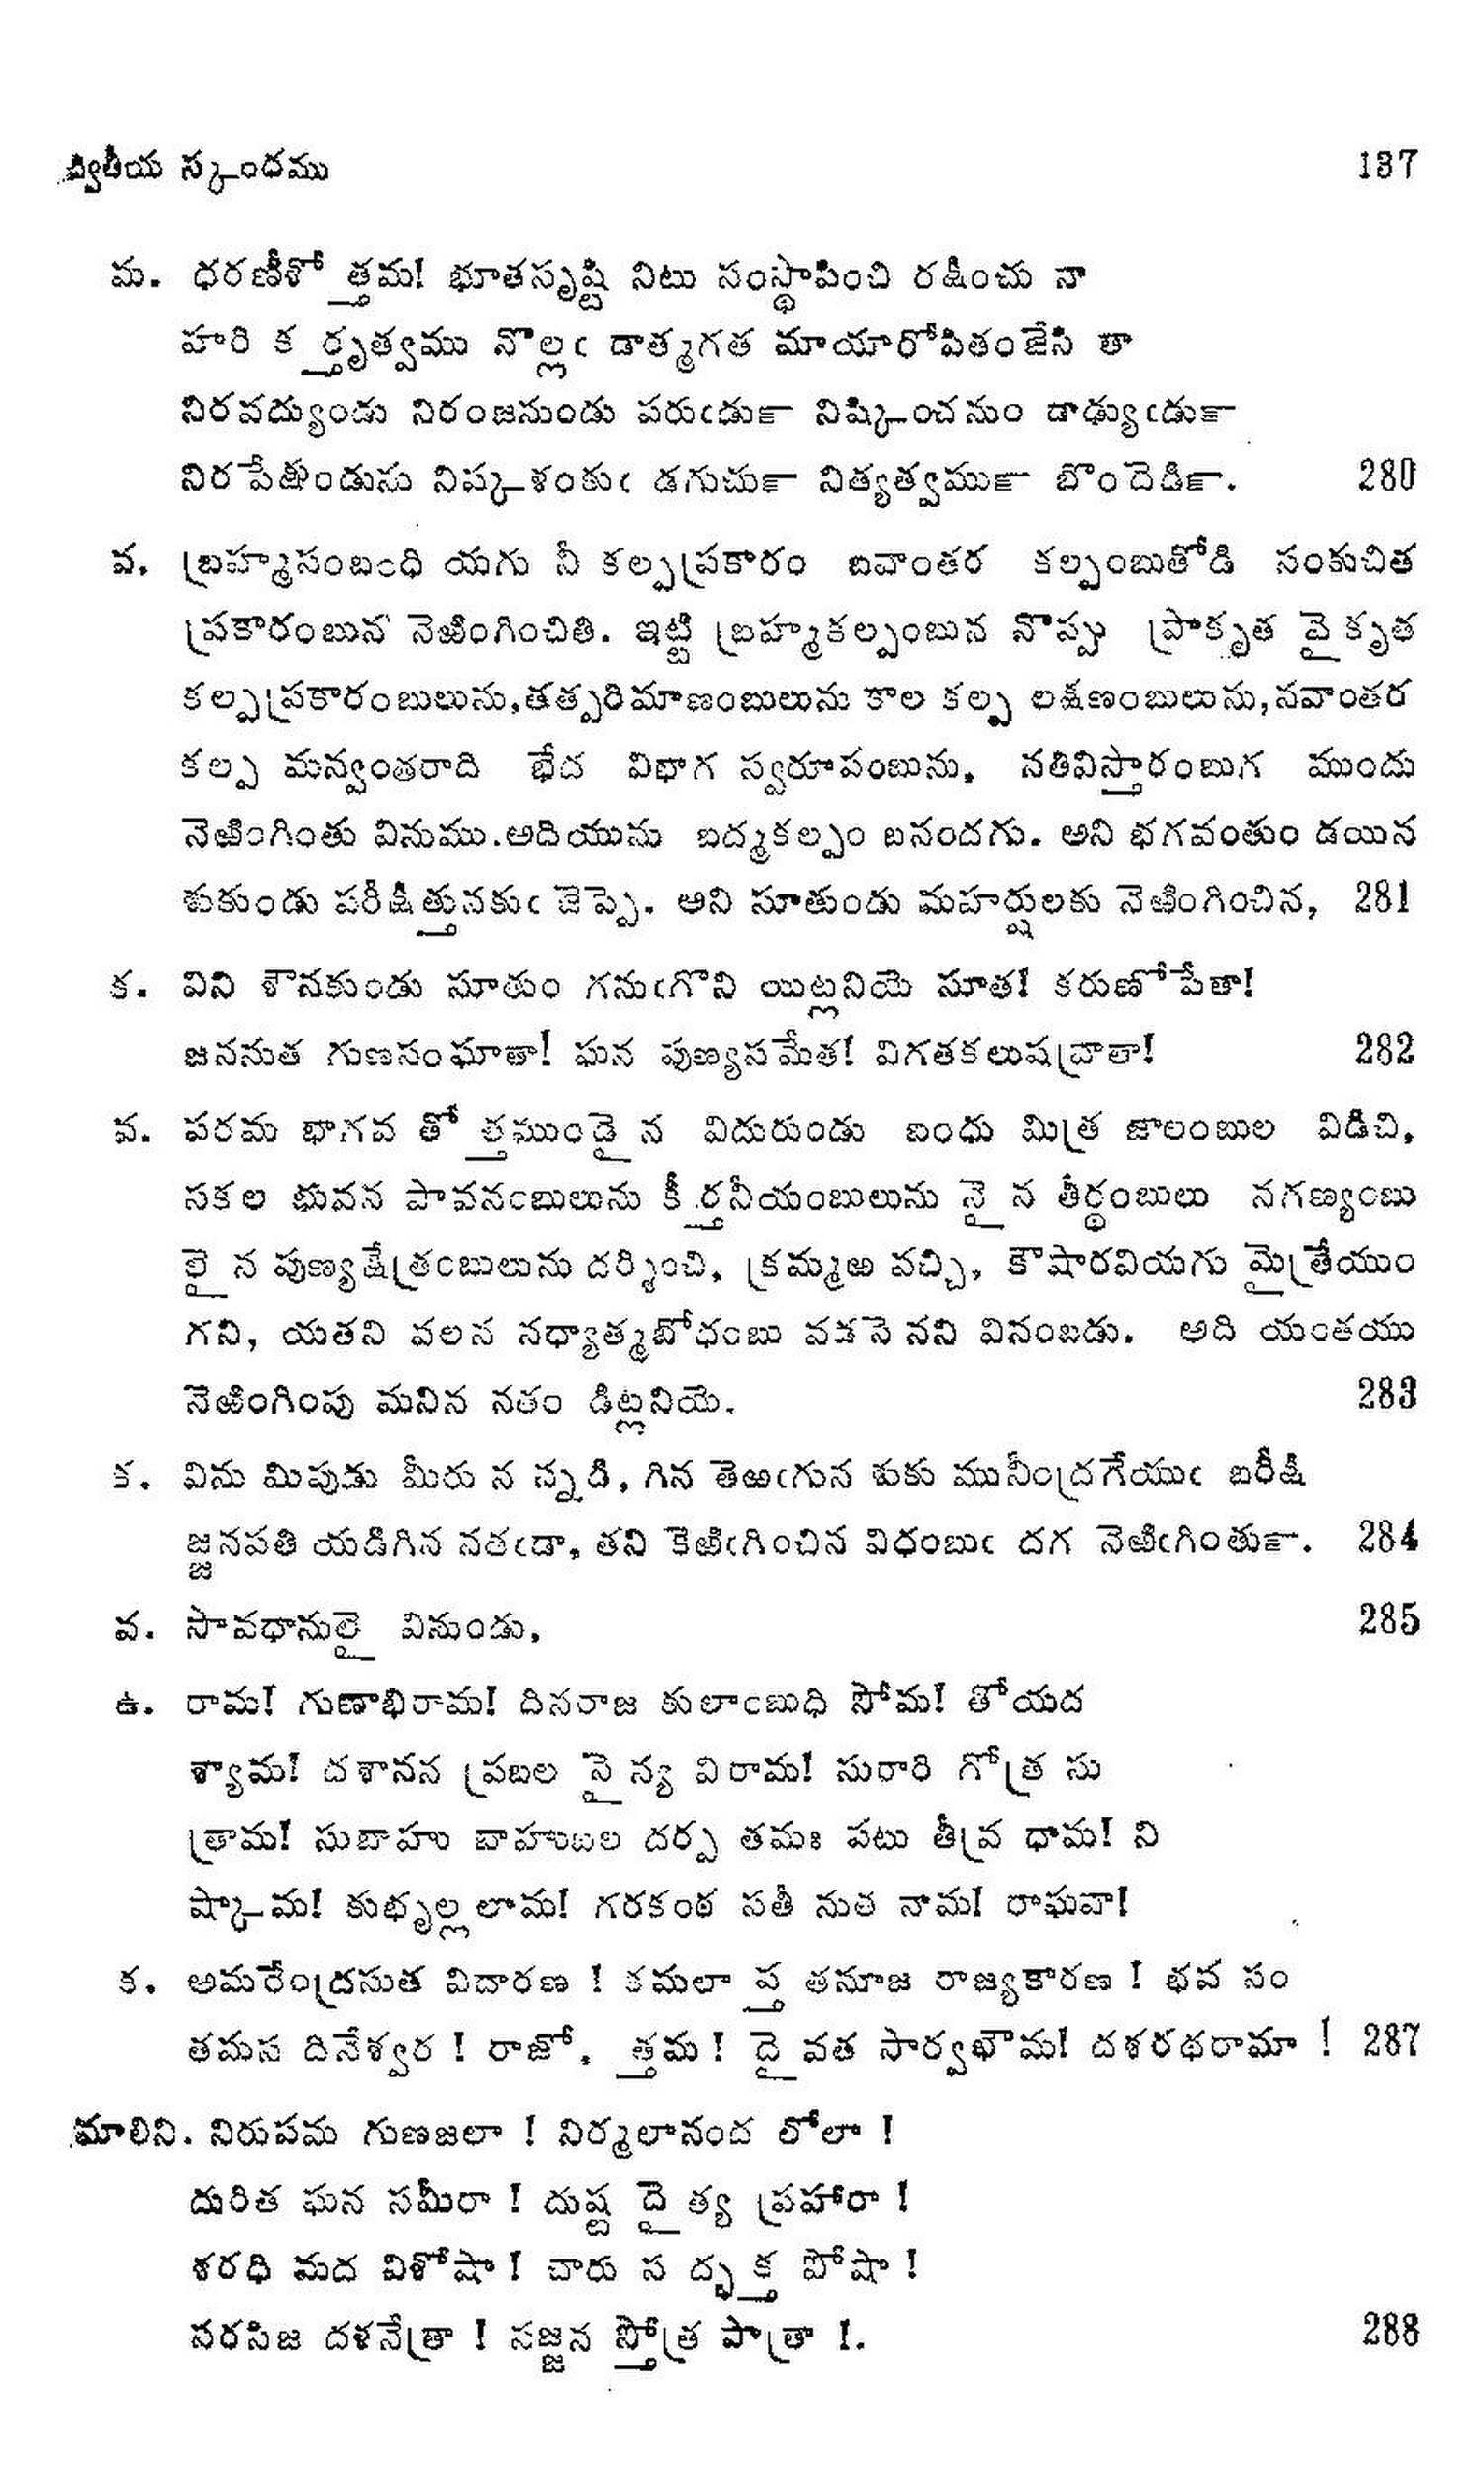137

మ. ధరణీశోత్తమ! భూతసృష్టి నిటు సంస్థాపించి రక్షించు నా

హరి కర్తృత్వము నొల్లఁ డాత్మగత మాయారోపితంజేసి తా 

నిరవద్యుండు నిరంజనుండు పరుఁడున్ నిష్కించనుం డాఢ్యుఁడున్

నిరపేక్షుండును నిష్కళంకుఁ డగుచున్ నిత్యత్వమున్ బొందెడిన్. (280)

వ. బ్రహ్మసంబంధి యగు నీ కల్పప్రకారం బవాంతర కల్పంబుతోడి సంకుచిత ప్రకారంబున నెఱింగించితి. ఇట్టి బ్రహ్మకల్పంబున నొప్పు ప్రాకృత వైకృత కల్పప్రకారంబులును, తత్పరిమాణంబులును 

కాల కల్ప లక్షణంబులును, నవాంతర కల్ప మన్వంతరాది భేద విభాగ స్వరూపంబును, నతివిస్తారంబుగ ముందు నెఱింగింతు వినుము. అదియును బద్మకల్పం బనందగు.అని భగవంతుం 

డయిన శుకుండు పరీక్షిత్తునకుఁ జెప్పె. అని సూతుండు మహర్షులకు నెఱింగించిన, (281)

క. విని శౌనకుండు సూతం గనుఁగొని యిట్లనియె సూత! కరుణోపేతా!

జననుత గుణసంఘాతా! ఘన పుణ్యసమేత! విగతకలుషవ్రాతా! (282)

వ. పరమ భాగవ తోత్తముండైన విదురుండు బంధు మిత్ర జాలంబుల విడిచి, సకల భువన పావనంబులును కీర్తనీయంబులును నైన తీర్ధంబులు నగణ్యంబులైన పుణ్యక్షేత్రంబులును దర్శించి, 

క్రమ్మఱ వచ్చి, కొపారవియగు మైత్రేయుంగని, యతని వలన నధ్యాత్మబోధంబు వడసె నని వినంబడు. అది యంతయు నెఱింగింపు మనిన నతం డిట్లనియె. (283)

క. విను మిపుడు మీరు న న్నడి, గిన తెఱఁగున శుకు మునీంద్రగేయుఁ బరీక్షి

జ్జనపతి యడిగిన నతఁడా, తని కెఱిఁగించిన విధంబుఁ దగ నెఱిఁగింతున్. (284)

వ. సావధానులై వినుండు, (285)

ఉ. రామ! గుణాభిరామ! దినరాజ కులాంబుధి సోమ! తోయద

శ్యామ! దశానన ప్రబల సైస్య విరామ! సురారి గోత్ర సు

త్రామ! సుబాహు బాహుబల దర్ప తమః పటు తీవ్ర ధామ! ని

ష్కామ! కుభృల్ల లామ! గరకంఠ సతీ నుత నామ! రాఘవా! (286)

క. అమరేంద్రసుత విదారణ! కమలాప్త తనూజ రాజ్యకారణ!భవ సం

తమస దినేశ్వర! రాజో, త్తమ! దైవత సార్వభౌమ! దశరథరామా! (287)

మాలిని. నిరుపమ గుణజాలా ! నిర్మలానంద లోలా !

దురిత ఘన సమీరా ! దుష్ట దైత్య ప్రహారా !

శరధి మద విశోషా ! చారు స ద్భక్త పోషా !

సరసిజ దళనేత్రా ! సజ్జన స్తోత్ర పాత్రా !. (288)